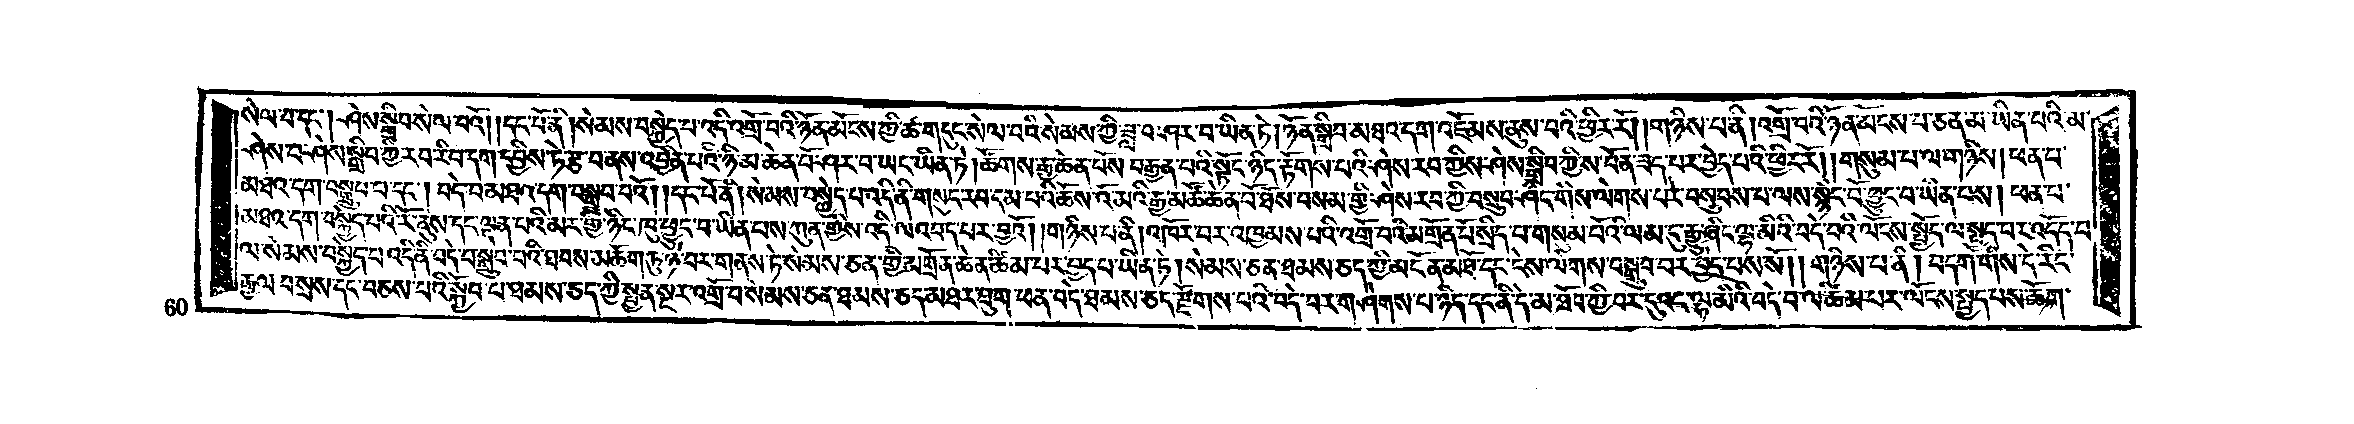སེལ་བ་དང་། ཤེས་སྒྲིབ་སེལ་བའོ། །དང་པོ་ནི། སེམས་བསྐྱེད་པ་འདི་འགྲོ་བའི་ཉོན་མོངས་ཀྱི་ཚ་གདུང་སེལ་བའི་སེམས་ཀྱི་ཟླ་བ་ཤར་བ་ཡིན་ཏེ། ཉོན་སྒྲིབ་མཐའ་དག་འཇོམས་ནུས་པའི་ཕྱིར་རོ། །གཉིས་པ་ནི། འགྲོ་བའི་ཉོན་མོངས་པ་ཅན་མ་ཡིན་པའི་མ་
ཤེས་པ་ཤེས་སྒྲིབ་ཀྱི་རབ་རིབ་དག་དབྱིས་ཏེ་རྩ་བ་ནས་འབྱིན་པའི་ཉི་མ་ཆེན་པོ་ཤར་བ་ཡང་ཡིན་ཏེ། ཚོགས་རྒྱ་ཆེན་པོས་བརྒྱན་པའི་སྟོང་ཉིད་རྟོགས་པའི་ཤེས་རབ་ཀྱིས་ཤེས་སྒྲིབ་ཀྱི་ས་བོན་ཟད་པར་བྱེད་པའི་ཕྱིར་རོ། །གསུམ་པ་ལ་གཉིས། ཕན་པ་
མཐའ་དག་བསྒྲུབ་པ་དང་། བདེ་བ་མཐའ་དག་བསྒྲུབ་པའོ། །དང་པོ་ནི། སེམས་བསྐྱེད་པ་འདི་ནི་གསུང་རབ་དམ་པའི་ཆོས་འོ་མའི་རྒྱ་མཚོ་ཆེན་པོ་ཐོས་བསམ་གྱི་ཤེས་རབ་ཀྱི་བསྲུབ་ཤིང་གིས་ལེགས་པར་བསུབས་པ་ལས་སྙིང་པོ་ཕྱུང་བ་ཡིན་པས། ཕན་པ་
མཐའ་དག་བསྐྱེད་པའི་རོ་ནུས་དང་ལྡན་པའི་མར་གྱི་ཉིང་ཁུ་ཕུང་བ་ཡིན་པས་ཀུན་གྱིས་འདི་ལ་འབད་པར་བྱའོ། །གཉིས་པ་ནི། འཁོར་བར་འཁྱམས་པའི་འགྲོ་བའི་མགྲོན་པོ་སྲིད་པ་གསུམ་པོའི་ལམ་དུ་རྒྱུ་ཞིང་ལྷ་མིའི་བདེ་བའི་ལོངས་སྤྱོད་ལ་སྤྱད་པར་འདོད་པ་
ལ་སེམས་བསྐྱེད་པ་འདི་ནི་བདེ་བ་སྒྲུབ་པའི་ཐབས་མཆོག་ཏུ་ཉེ་བར་གནས་ཏེ་སེམས་ཅན་གྱི་མགྲོན་ཆེན་ཚིམ་པར་བྱད་པ་ཡིན་ཏེ། སེམས་ཅན་ཐམས་ཅད་ཀྱི་མངོན་མཐོ་དང་ངེས་ལེགས་བསྒྲུབ་པར་བྱེད་པས་སོ། །གཉིས་པ་ནི། བདག་གིས་དེ་རིང་
རྒྱལ་བ་སྲས་དང་བཅས་པའི་སྐྱོབ་པ་ཐམས་ཅད་ཀྱི་སྤྱན་སྔར་འགྲོ་བ་སེམས་ཅན་ཐམས་ཅད་མཐར་ཐུག་ཕན་བདེ་ཐམས་ཅད་རྫོགས་པའི་བདེ་བར་གཤེགས་པ་ཉིད་དང་ནི་དེ་མ་ཐོབ་ཀྱི་བར་དུའང་ལྟ་མིའི་བདེ་བ་ལ་ཚིམ་པར་ལོངས་སྤྱད་པས་ཆོག་